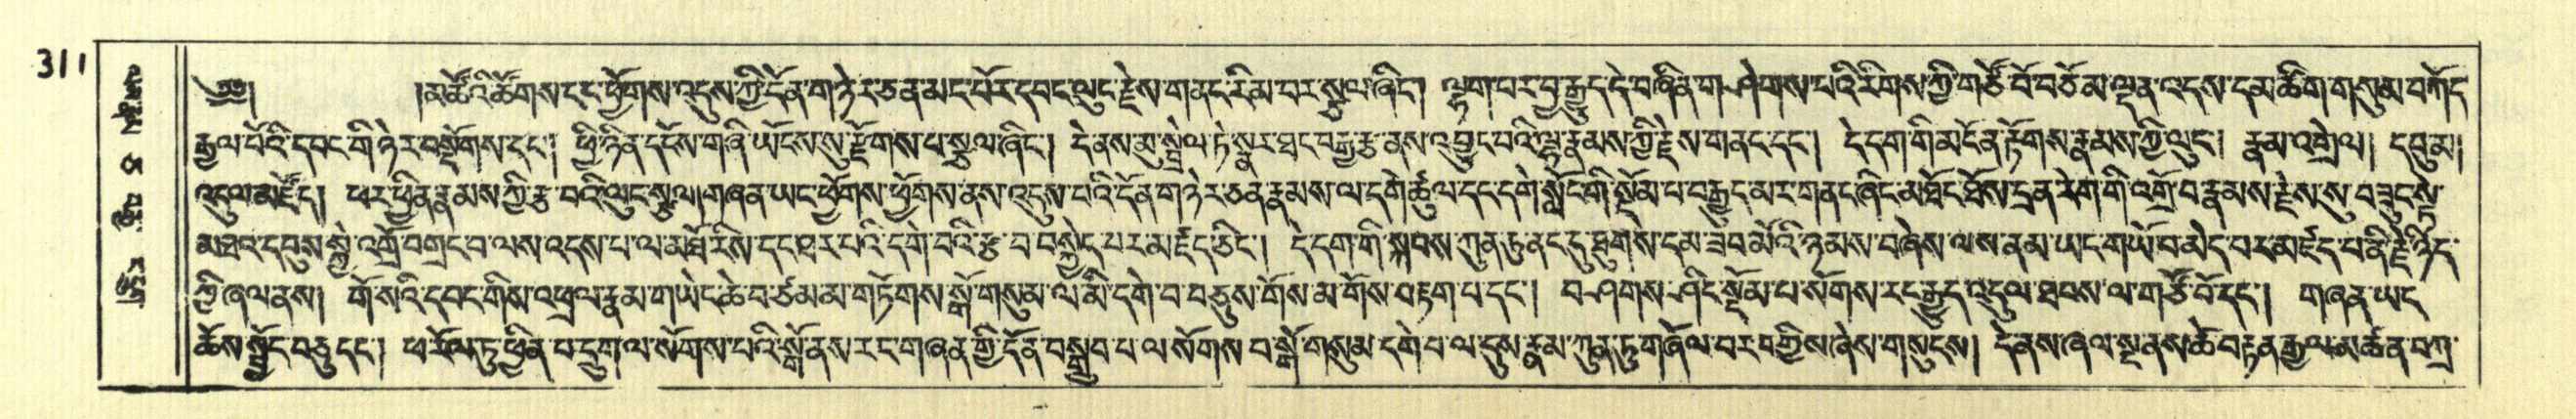༄༅། །མཚོའི་ཚོགས་དང་ཕྱོགས་འདུས་ཀྱི་དོན་གཉེར་ཅན་མང་པོར་དབང་ལུང་རྗེས་གནང་རིམ་བར་སྩལ་ཞིང་། ལྷག་པར་བྱ་རྒྱུད་དེ་བཞིན་གཤེགས་པའི་རིགས་ཀྱི་གཙོ་བོ་བཅོམ་ལྡན་འདས་དམ་ཚིག་གསུམ་བཀོད་
རྒྱལ་པོའི་དབང་གི་ཉེར་བསྡོགས་དང་། ཕྱི་ཉིན་དངོས་གཞི་ཡོངས་སུ་རྫོགས་པ་སྩལ་ཞིང་། དེ་ནས་མུ་སྦྲེལ་ཏེ་སྣར་ཐང་བརྒྱ་རྩ་ནས་འབྱུང་པའི་ལྷ་རྣམས་ཀྱི་རྗེས་གནང་དང་། དེ་དག་གི་མངོན་རྟོགས་རྣམས་ཀྱི་ལུང་། རྣམ་འགྲེལ། དབུ་མ།
འདུལ་མཛོད། ཕར་ཕྱིན་རྣམས་ཀྱི་རྩ་བའི་ལུང་སྩལ། གཞན་ཡང་ཕྱོགས་ཕྱོགས་ནས་འདུས་པའི་དོན་གཉེར་ཅན་རྣམས་ལ་དགེ་ཚུལ་དང་དགེ་སློང་གི་སྡོམ་པ་བརྒྱུད་མར་གནང་ཞིང་མཐོང་ཐོས་དྲན་རེག་གི་འགྲོ་བ་རྣམས་རྗེས་སུ་བཟུང་སྟེ་
མཐའ་དབུས་སྐྱེ་འགྲོ་བགྲང་བ་ལས་འདས་པ་ལ་མཐོ་རིས་དང་ཐར་པའི་དགེ་བའི་རྩ་བ་བསྐྱེད་པར་མཛད་ཅིང་། དེ་དག་གི་སྐབས་ཀུན་ཏུ་ནང་དུ་ཐུགས་དམ་ཟབ་མོའི་ཉམས་བཞེས་ལས་ནམ་ཡང་གཡོ་བ་མེད་པར་མཛད་པ་ནི་རྗེ་ཉིད་
ཀྱི་ཞལ་ནས། གོ་སའི་དབང་གིས་འཕྲལ་རྣམ་གཡེང་ཆེ་བ་ཙམ་མ་གཏོགས་སྒོ་གསུམ་ལ་མི་དགེ་བ་བཅུས་གོས་མ་གོས་བརྟག་པ་དང་། བཤགས་ཤིང་སྡོམ་པ་སོགས་རང་རྒྱུད་འདུལ་ཐབས་ལ་གཙོ་བོ་དང་། གཞན་ཡང་
ཆོས་སྤྱོད་བཅུ་དང་། ཕ་རོལ་ཏུ་ཕྱིན་པ་དྲུག་ལ་སོགས་པའི་སྒོ་ནས་རང་གཞན་གྱི་དོན་བསྒྲུབ་པ་ལ་སོགས་བ་སྒོ་གསུམ་དགེ་བ་ལ་དུས་རྣམ་ཀུན་ཏུ་གཞོལ་བར་བགྱིས་ཞེས་གསུངས། དེ་ནས་ཞལ་སྔ་ནས་ཚེ་བརྟན་རྒྱལ་མཚན་བཀྲ་